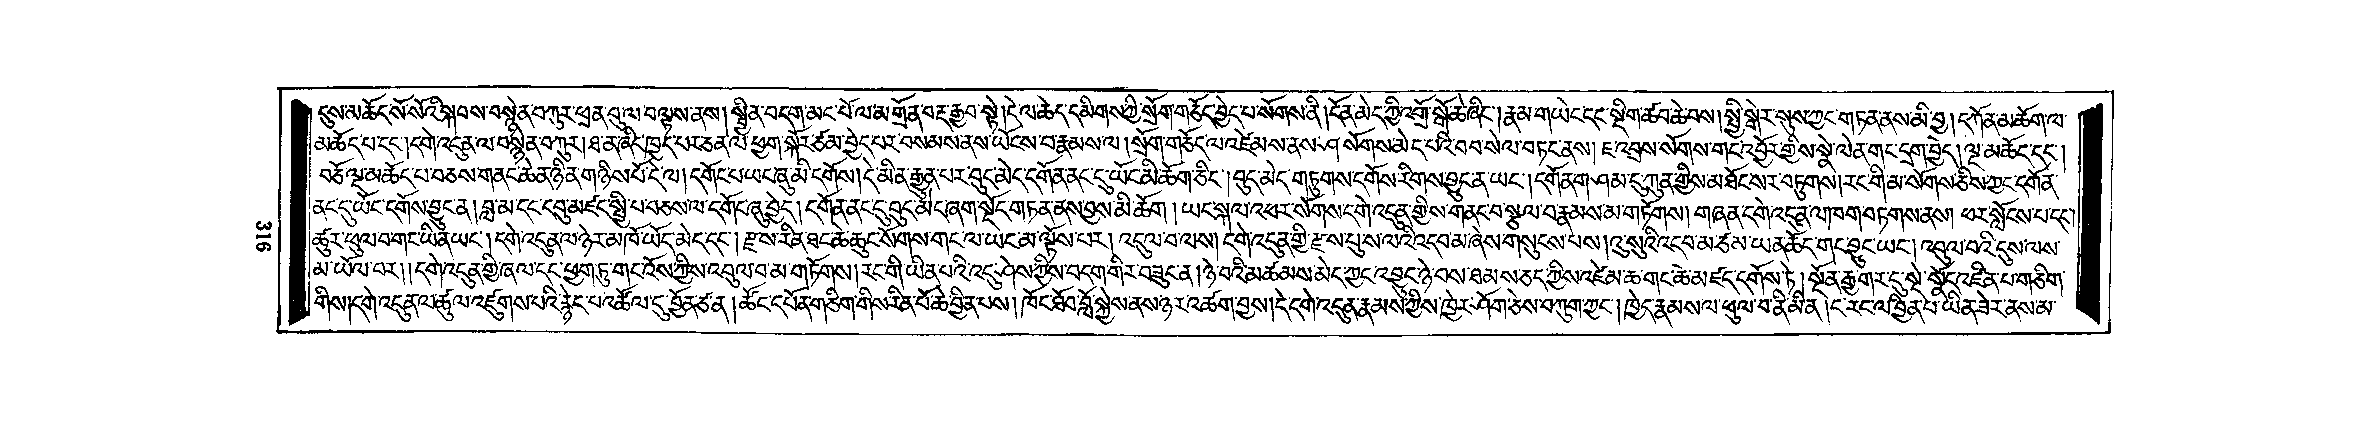དུས་མཆོད་སོ་སོའི་སྐབས་བསྙེན་བཀུར་ཕྲན་བུ་ལ་བལྟས་ནས། སྦྱིན་བདག་མང་པོ་ལ་མགྲོན་བརྡ་རྒྱབ་སྟེ། དེ་ལ་ཆེད་དམིགས་ཀྱི་སྲོག་གཅོད་བྱེད་པ་སོགས་ནི། དོན་མེད་ཀྱི་འགྲོ་སྒོ་ཆེ་ཞིང་། རྣམ་གཡེང་དང་སྡིག་ཚབ་ཆེ་བས། སྤྱི་སྒེར་སུས་ཀྱང་གཏན་ནས་མི་བྱ། དཀོན་མཆོག་ལ་
མཆོད་པ་དང་། དགེ་འདུན་ལ་བསྙེན་བཀུར། ཐ་ན་ཞིང་ཁྱད་པར་ཅན་ལ་ཕྱག་སྐོར་ཙམ་བྱེད་པར་བསམས་ནས་ཡོངས་བ་རྣམས་ལ། སྲོག་གཅོད་ལ་འཛེམས་ནས་ཤ་སོགས་མེད་པའི་བབ་སེལ་བཏང་ནས། ཇ་འབྲས་སོགས་གང་འབྱོར་གྱིས་སྣེ་ལེན་གང་དྲག་བྱེད། ལྔ་མཆོད་དང་།
བཅོ་ལྔ་མཆོད་པ་བཅས་གནང་ཆེན་ཉིན་གཉིས་པོ་དེ་ལ། དགོང་པ་ཡང་ཞུ་མི་དགོས། དེ་མིན་རྒྱུན་པར་བུད་མེད་དགོན་ནང་དུ་ཡོང་མི་ཆོག་ཅིང་། བུད་མེད་གཏུགས་དགོས་རིགས་བྱུང་ན་ཡང་། དགོན་གཤམ་དུ་ཀུན་གྱིས་མཐོང་སར་བཏུགས། རང་གི་མ་སོགས་ཅིས་ཀྱང་དགོན་
ནང་དུ་ཡོང་དགོས་བྱུང་ན། བླ་མ་དང་དབུ་མཛད་སྤྱི་པ་བཅས་ལ་དགོང་ཞུ་བྱེད། དགོན་ནང་དུ་བུད་མེད་ཞག་སྡོད་གཏན་ནས་བྱས་མི་ཆོག །ཡང་སྐལ་འཕར་སོགས་དགེ་འདུན་གྱིས་གནང་བ་སྩལ་བ་རྣམས་མ་གཏོགས། གཞན་དགེ་འདུན་ལ་ཁག་བཏགས་ནས། ཕར་སློངས་པ་དང་།
ཚུར་ཕུལ་བ་གང་ཡིན་ཡང་། དགེ་འདུན་ལ་ཉེར་མཁོ་ཡོད་མེད་དང་། རྫས་རིན་ཐང་ཆེ་ཆུང་སོགས་གང་ལ་ཡང་མ་ལྟོས་པར། འདུལ་བ་ལས། དགེ་འདུན་གྱི་རྫས་པུ་ས་ལའི་འདབ་མ་ཞེས་གསུངས་པས། འུ་སུའི་འདབ་མ་ཙམ་ཡན་ཆོད་གང་བྱུང་ཡང་། འབུལ་བའི་དུས་ལས་
མ་ཡོལ་བར། །དགེ་འདུན་གྱི་ཞལ་དང་ཕྱག་ཏུ་གང་འོས་ཀྱིས་འབུལ་བ་མ་གཏོགས། རང་གི་ཡིན་པའི་འདུ་ཤེས་ཀྱིས་བདག་གིར་བཟུང་ན། ཉེ་བའི་མཚམས་མེད་ཀྱང་འབྱུང་ཉེ་བས་ཐམས་ཅད་ཀྱིས་འཛེམ་ཆ་གང་ཆེ་མཛད་དགོས་ཏེ། སྔོན་རྒྱ་གར་དུ་སྡེ་སྣོད་འཛིན་པ་གཅིག་
གིས། དགེ་འདུན་ལ་ཚུལ་འཛུགས་པའི་རྙེད་པ་འཚོལ་དུ་བྱོན་ཙ་ན། ཚོང་དཔོན་གཅིག་གིས་རིན་པོ་ཆེ་བྱིན་པས། ཁོང་ཐོབ་བློ་སྐྱེས་ནས་ཉར་འཚག་བྱས། དེ་དགེ་འདུན་རྣམས་ཀྱིས་ཁྱེར་ཤོག་ཅེས་བཀུག་ཀྱང་། ཁྱེད་རྣམས་ལ་ཕུལ་བ་ནི་མིན། ང་རང་ལ་བྱིན་པ་ཡིན་ཟེར་ནས་མ་